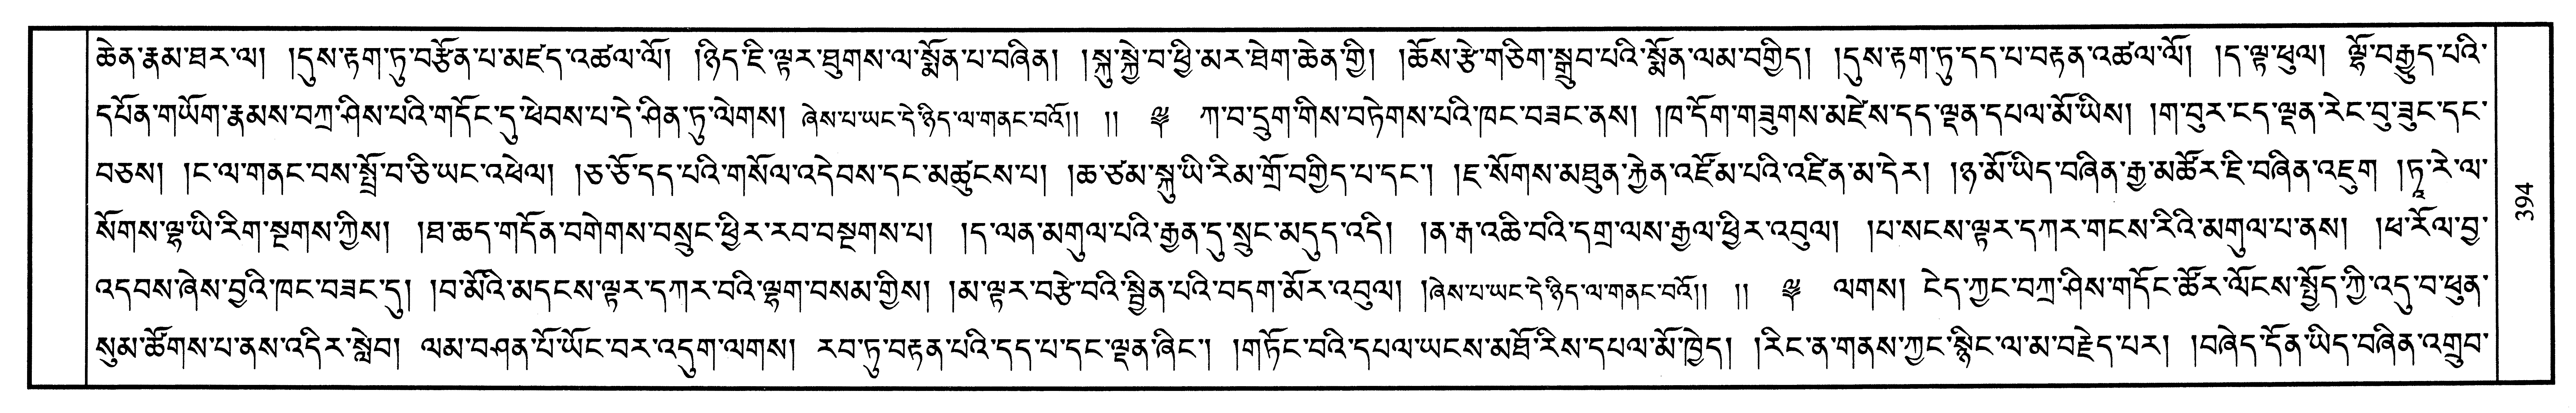ཆེན་རྣམ་ཐར་ལ། །དུས་རྟག་ཏུ་བརྩོན་པ་མཛད་འཚལ་ལོ། །ཉིད་ཇི་ལྟར་ཐུགས་ལ་སྨོན་པ་བཞིན། །སྐུ་སྐྱེ་བ་ཕྱི་མར་ཐེག་ཆེན་གྱི། །ཆོས་རྩེ་གཅིག་སྒྲུབ་པའི་སྨོན་ལམ་བགྱིད། །དུས་རྟག་ཏུ་དད་པ་བརྟན་འཚལ་ལོ། །ད་ལྟ་ཕུལ། ལྷོ་བརྒྱུད་པའི་
དཔོན་གཡོན་རྣམས་བཀྲ་ཤིས་པའི་གདོང་དུ་ཕེབས་པ་དེ་ཤིན་ཏུ་ལེགས། ཞེས་པ་ཡང་དེ་ཉིད་ལ་གནང་བའོ།། །། ༈ ཀ་བ་དྲུག་གིས་བཏེགས་པའི་ཁང་བཟང་ནས། །ཁ་དོག་གཟུགས་མཛེས་དད་ལྡན་དཔལ་མོ་ཡིས། །ག་བུར་ངད་ལྡན་རེང་བུ་ཟུང་དང་
བཅས། །ང་ལ་གནང་བས་སྤྲོ་བ་ཅི་ཡང་འཕེལ། །ཅ་ཅོ་དད་པའི་གསོལ་འདེབས་དང་མཚུངས་པ། །ཆ་ཙམ་སྐུ་ཡི་རིམ་གྲོ་བགྱིད་པ་དང་། །ཇ་སོགས་མཐུན་རྐྱེན་འཛོམ་པའི་འཛིན་མ་དེར། །ཉ་མོ་ཡིད་བཞིན་རྒྱ་མཚོར་ཇི་བཞིན་འཇུག །ཏཱ་རེ་ལ་
སོགས་ལྷ་ཡི་རིག་སྔགས་ཀྱིས། །ཐ་ཆད་གདོན་བགེགས་བསྲུང་ཕྱིར་རབ་བསྔགས་པ། །ད་ལན་མགུལ་པའི་རྒྱན་དུ་སྲུང་མདུད་འདི། །ན་རྒ་འཆི་བའི་དགྲ་ལས་རྒྱལ་ཕྱིར་འབུལ། །པ་སངས་ལྟར་དཀར་གངས་རིའི་མགུལ་པ་ནས། །ཕ་རོལ་བྱ་
འདབས་ཞེས་བྱའི་ཁང་བཟང་དུ། །བ་མོའི་མདངས་ལྟར་དཀར་བའི་ལྷག་བསམ་གྱི། །མ་ལྟར་བརྩེ་བའི་སྦྱིན་པའི་བདག་མོར་འབུལ། །ཞེས་པ་ཡང་དེ་ཉིད་ལ་གནང་བའོ།། །། ༈ ལགས། ངེད་ཀྱང་བཀྲ་ཤིས་གདོང་ཚོར་ལོངས་སྤྱོད་ཀྱི་འདུ་བ་ཕུན་
སུམ་ཚོགས་པ་ནས་འདིར་སླེབ། ལམ་བཤན་པོ་ཡོང་བར་འདུག་ལགས། རབ་ཏུ་བརྟན་པའི་དད་པ་དང་ལྡན་ཞིང་། །གཏོང་བའི་དཔལ་ཡངས་མཐོ་རིས་དཔལ་མོ་ཁྱེད། །རིང་ན་གནས་ཀྱང་སྙིང་ལ་མ་བརྗེད་པར། །བཞེད་དོན་ཡིད་བཞིན་འགྲུབ་